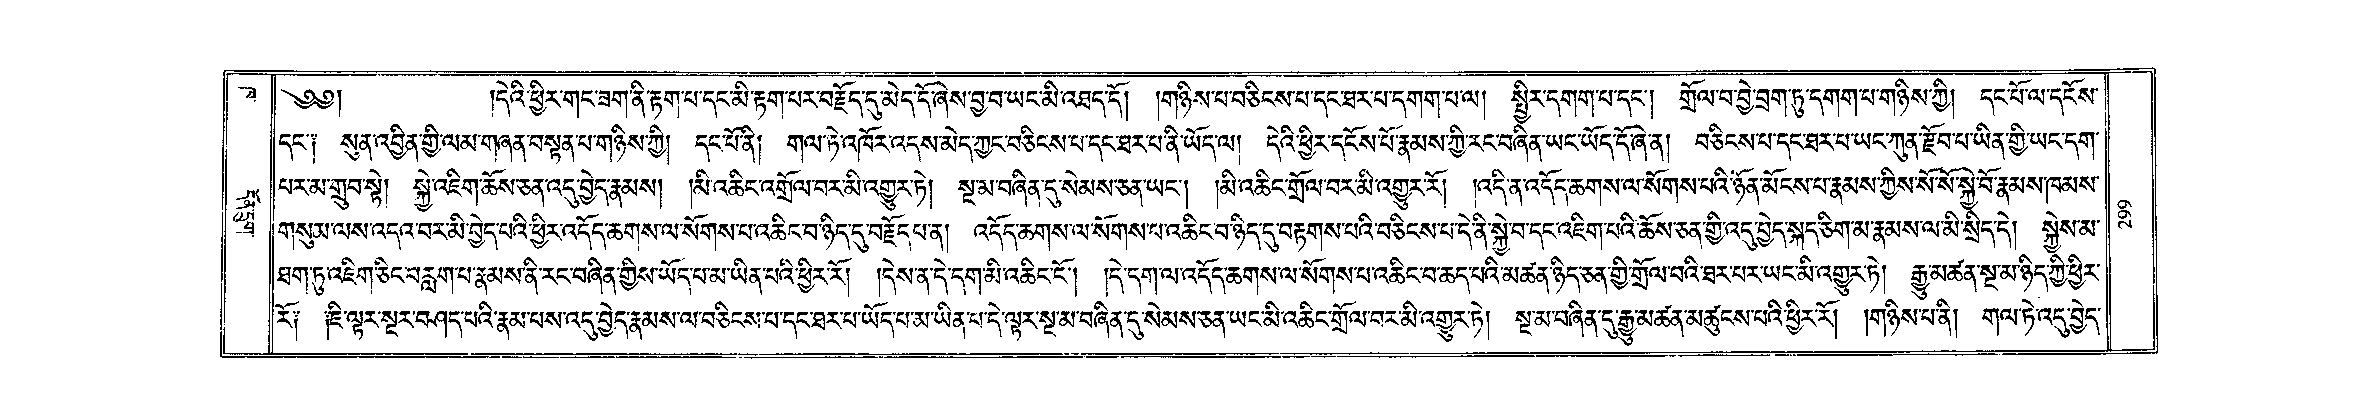༄༅། །དེའི་ཕྱིར་གང་ཟག་ནི་རྟག་པ་དང་མི་རྟག་པར་བརྗོད་དུ་མེད་དོ་ཞེས་བྱ་བ་ཡང་མི་འཐད་དོ། །གཉིས་པ་བཅིངས་པ་དང་ཐར་པ་དགག་པ་ལ། སྤྱིར་དགག་པ་དང་། གྲོལ་བ་བྱེ་བྲག་ཏུ་དགག་པ་གཉིས་ཀྱི། དང་པོ་ལ་དངོས་
དང༑ སུན་འབྱིན་གྱི་ལམ་གཞན་བསྟན་པ་གཉིས་ཀྱི། དང་པོ་ནི། གལ་ཏེ་འཁོར་འདས་མེད་ཀྱང་བཅིངས་པ་དང་ཐར་པ་ནི་ཡོད་ལ། དེའི་ཕྱིར་དངོས་པོ་རྣམས་ཀྱི་རང་བཞིན་ཡང་ཡོད་དོ་ཞེ་ན། བཅིངས་པ་དང་ཐར་པ་ཡང་ཀུན་རྫོབ་པ་ཡིན་གྱི་ཡང་དག་
པར་མ་གྲུབ་སྟེ། སྐྱེ་འཇིག་ཆོས་ཅན་འདུ་བྱེད་རྣམས། །མི་འཆིང་འགྲོལ་བར་མི་འགྱུར་ཏེ། སྔ་མ་བཞིན་དུ་སེམས་ཅན་ཡང་། །མི་འཆིང་གྲོལ་བར་མི་འགྱུར་རོ། །འདི་ན་འདོད་ཆགས་ལ་སོགས་པའི་ཉོན་མོངས་པ་རྣམས་ཀྱིས་སོ་སོ་སྐྱེ་བོ་རྣམས་ཁམས་
གསུམ་ལས་འདའ་བར་མི་བྱེད་པའི་ཕྱིར་འདོད་ཆགས་ལ་སོགས་པ་འཆིང་བ་ཉིད་དུ་བརྗོད་པ་ན། འདོད་ཆགས་ལ་སོགས་པ་འཆིང་བ་ཉིད་དུ་བརྟགས་པའི་བཅིངས་པ་དེ་ནི་སྐྱེ་བ་དང་འཇིག་པའི་ཆོས་ཅན་གྱི་འདུ་བྱེད་སྐད་ཅིག་མ་རྣམས་ལ་མི་སྲིད་དེ། སྐྱེས་མ་
ཐག་ཏུ་འཇིག་ཅིང་བརླག་པ་རྣམས་ནི་རང་བཞིན་གྱིས་ཡོད་པ་མ་ཡིན་པའི་ཕྱིར་རོ། །དེས་ན་དེ་དག་མི་འཆིང་ངོ། །དེ་དག་ལ་འདོད་ཆགས་ལ་སོགས་པ་འཆིང་བ་ཆད་པའི་མཚན་ཉིད་ཅན་གྱི་གྲོལ་བའི་ཐར་པར་ཡང་མི་འགྱུར་ཏེ། རྒྱུ་མཚན་སྔ་མ་ཉིད་ཀྱི་ཕྱིར་
རོ༑ ༑ཇི་ཏར་སྔར་བཤད་པའི་རྣམ་པས་འདུ་བྱེད་རྣམས་ལ་བཅིངས་པ་དང་ཐར་པ་ཡོད་པ་མ་ཡིན་པ་དེ་ལྟར་སྔ་མ་བཞིན་དུ་སེམས་ཅན་ཡང་མི་འཆིང་གྲོལ་བར་མི་འགྱུར་ཏེ། སྔ་མ་བཞིན་དུ་རྒྱུ་མཚན་མཚུངས་པའི་ཕྱིར་རོ། །གཉིས་པ་ནི། གལ་ཏེ་འདུ་བྱེད་